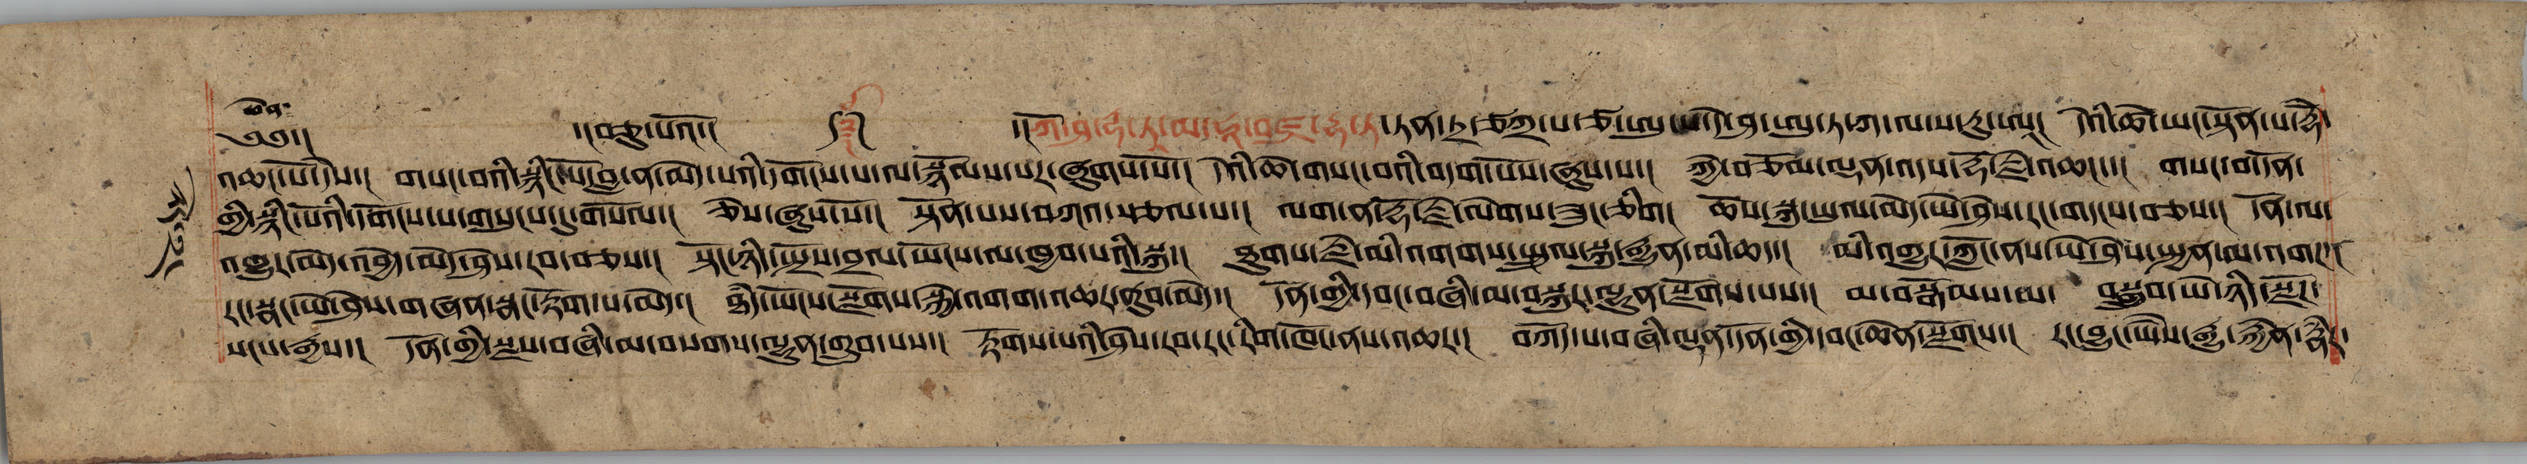༄༅་། ་།བཅུ་པའོ་། ༼༈༽ ་།ཀོ་ཤ་དྷ་ཏཱ་མ་ཧཱ་བཛྲ་དྷ་ཏ་ཏན་ཏྲ་ཙཀྲ་པ་ཙ་ཨུ་དེ་ཤ་ཨུ་ཏ་ཀ་ལ་ས་ཏུ་ཨཱ། དེའི་ཚེ་ཡང་སྟོན་པ་རྡོེ་
འཆང་པོ་དེས་། གསང་བའི་སྙིང་པོ་བླ་ན་མེད་པའི་དགོངས་པ་ལ་སྙོམས་པར་ཞུགས་སོ་། དེའི་ཆེ་གསང་བའི་བདག་པོས་ཞུས་པ་། ཀྱེ་བཅོམ་ལྡན་འདས་རྡོ་རྗེ་འཆང་་། གསང་བ་དོན་
གྱི་སྙིང་པོའི་དགོངས་པ་གསུངས་དུ་གསོལ་། ཅེས་ཞུས་སོ་། སྟོན་པས་བཀའ་སྩལ་པ་། ལག་ན་རྡོ་རྗེ་ལེགས་ཟུང་ཅིག། ཆོས་སྐུ་ཡུལ་མེད་ཡེ་ཤེས་རང་གདངས་བཅས་། དོན་ལ་
འགྱུར་མེད་འབྱེད་མེད་ཤེས་རབ་བཅས་། སྟོང་ཉིད་སྤྲོས་བྲལ་ཡོངས་ལ་ཁྱབ་པའི་སྐུ་། ཐུགས་རྗེ་མི་འགགས་སྤྲུལ་སྐུ་རྒྱུན་མི་ཆད་། མི་འགྱུར་ཀློང་ནས་ཡེ་ཤེས་སྤྱན་མ་འགཌ་།
རང་སྣང་ཡེ་ཤེས་གཞན་སྣང་རྟོག་པ་མེད་། ཐཾད་ཡོངས་སྫོགས་སྐྱེ་འགག་འཆར་ནུབ་མེད་། དོན་གྱི་དབང་བཞི་མ་བསྐུར་ལྷུན་སྫོགས་པས་། མ་བསྒོམས་མ་ བསྒྲུབ་ཡེ་ཉིད་སྫོཌ་
སངས་རྒྱས་། དོན་གྱི་སྫས་བཞི་མ་བསགས་ལྷུན་གྲུབ་པས་། རྟོགས་པའི་ཤེས་རབ་རང་རིག་ཁོང་ནས་འཆར་། བཀོད་པ་བཞི་ལྡན་དོན་གྱི་དབང་ཆེན་སྫོགས་། རང་བྱུང་ཡཻས་རྒྱུ་རྐྱེན་རྣཾར་